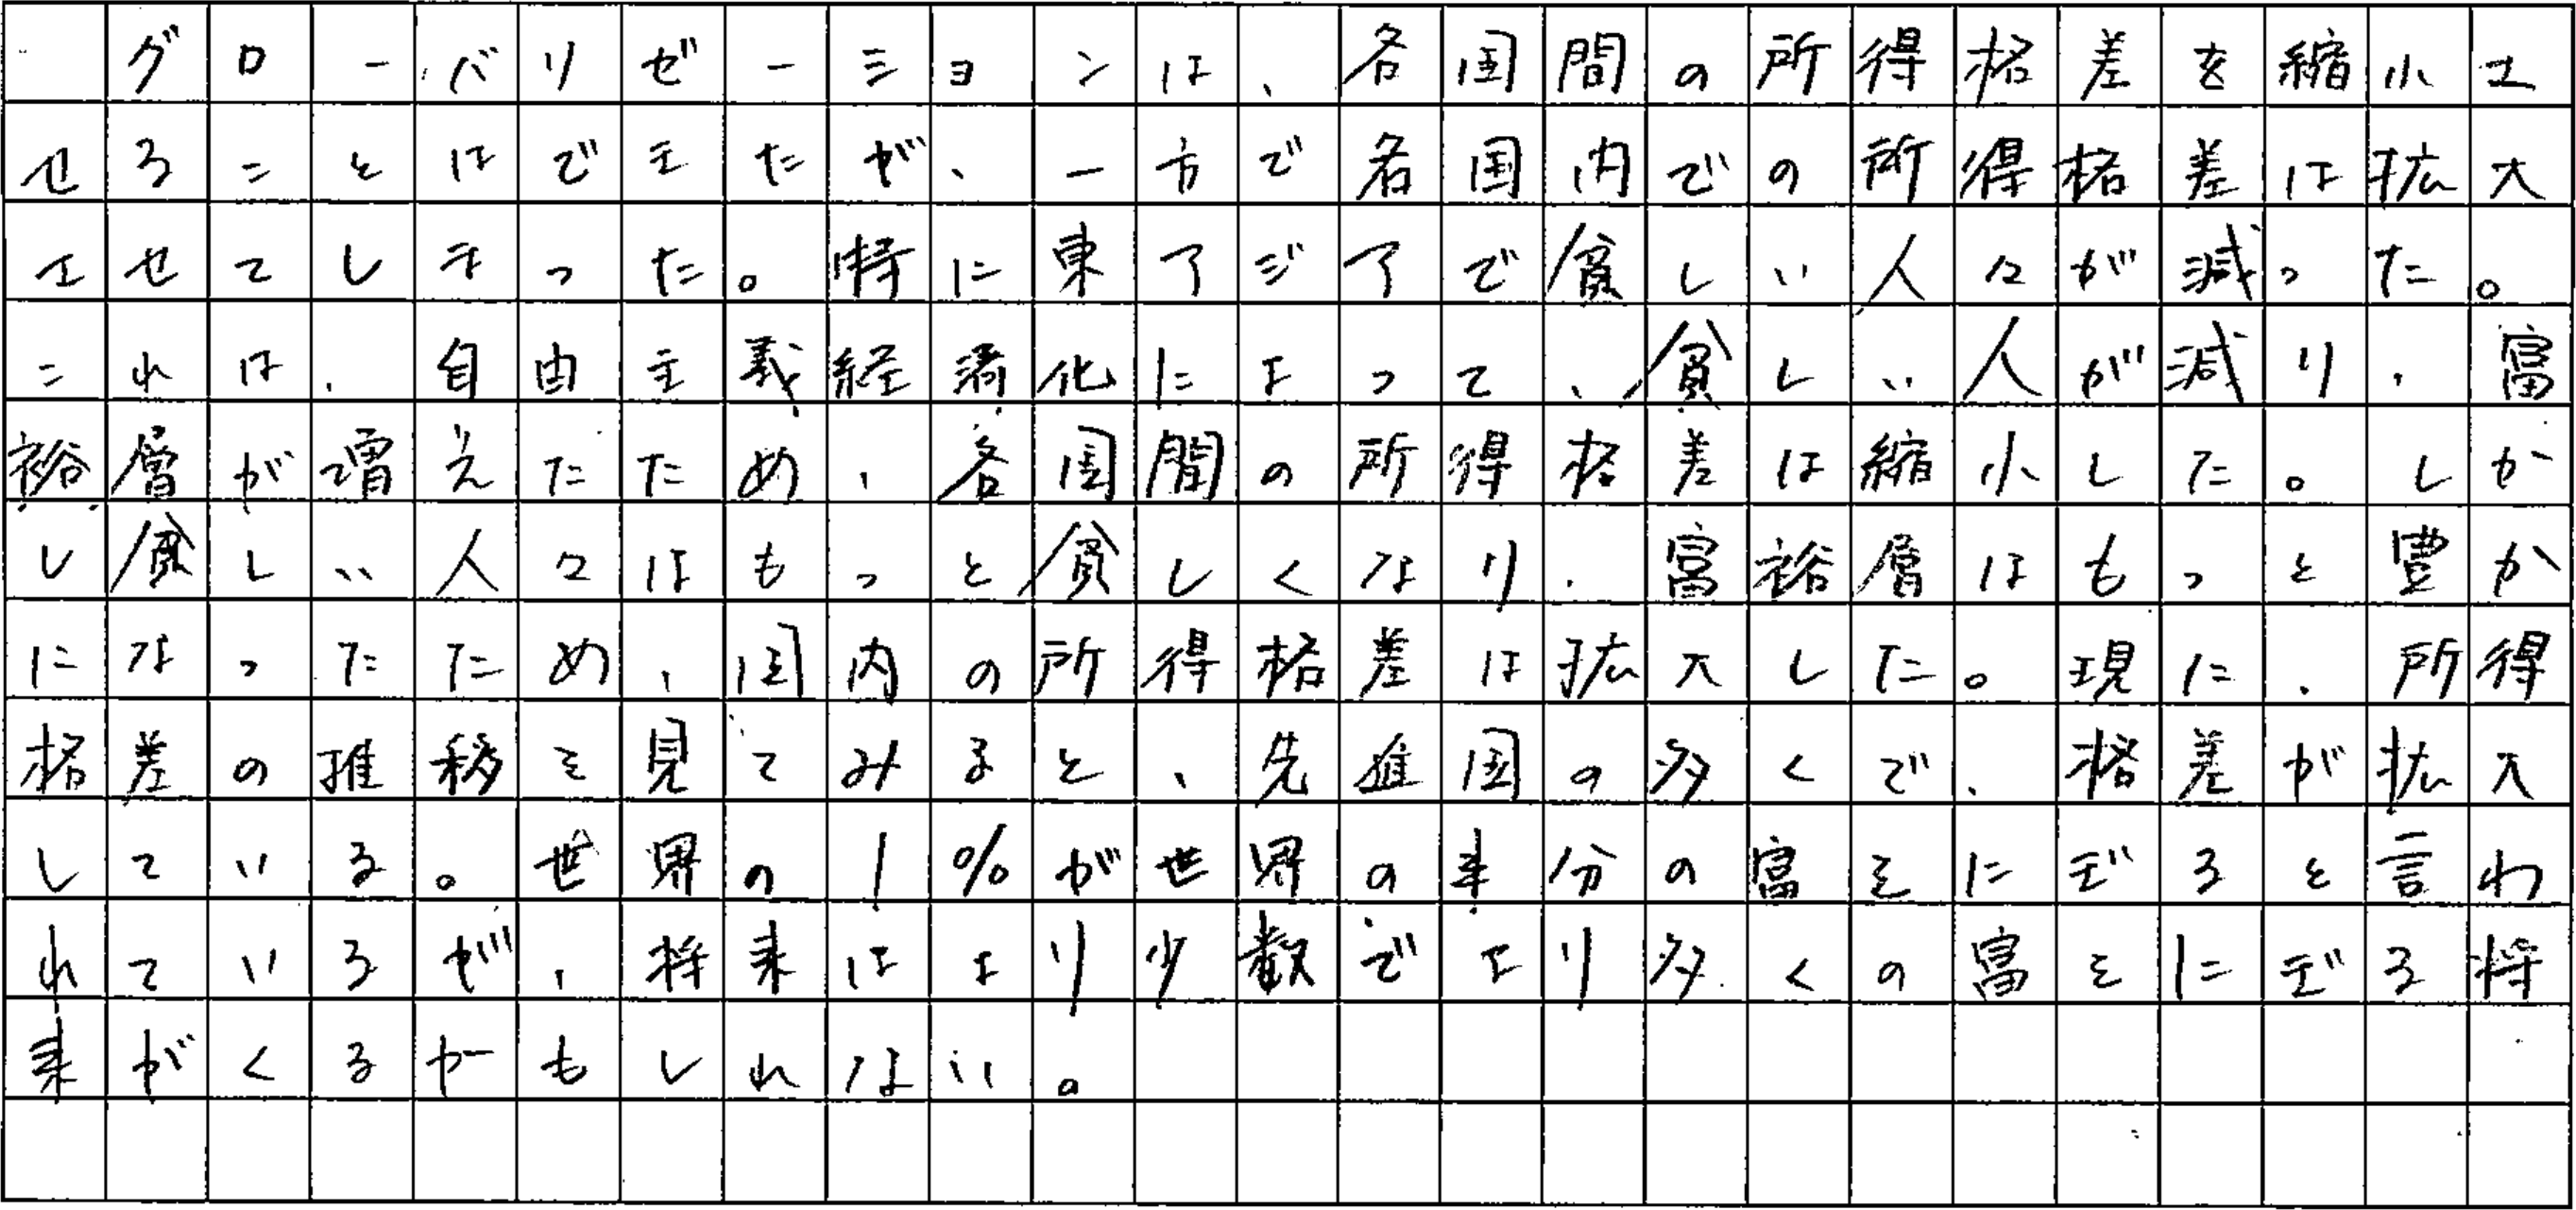　グローバリゼーションは、各国間の所得格差を縮小させることはできたが、一方で各国内での所得格差は拡大させてしまった。特に東アジアで貧しい人々が減った。これは、自由主義経済化よって、貧しい人が減り、富裕層が増えたため、各国間の所得格差は縮小した。しかし貧しい人々はもっと貧しくなり、富裕層はもっと豊かになったため、国内の所得格差は拡大した。現に、所得格差の推移を見てみると、先進国の多くで、格差が拡大している。世界の１％が世界の半分の富をにぎると言われているが、将来はより少数でより多くの富をにぎる将来がくるかもしれない。
